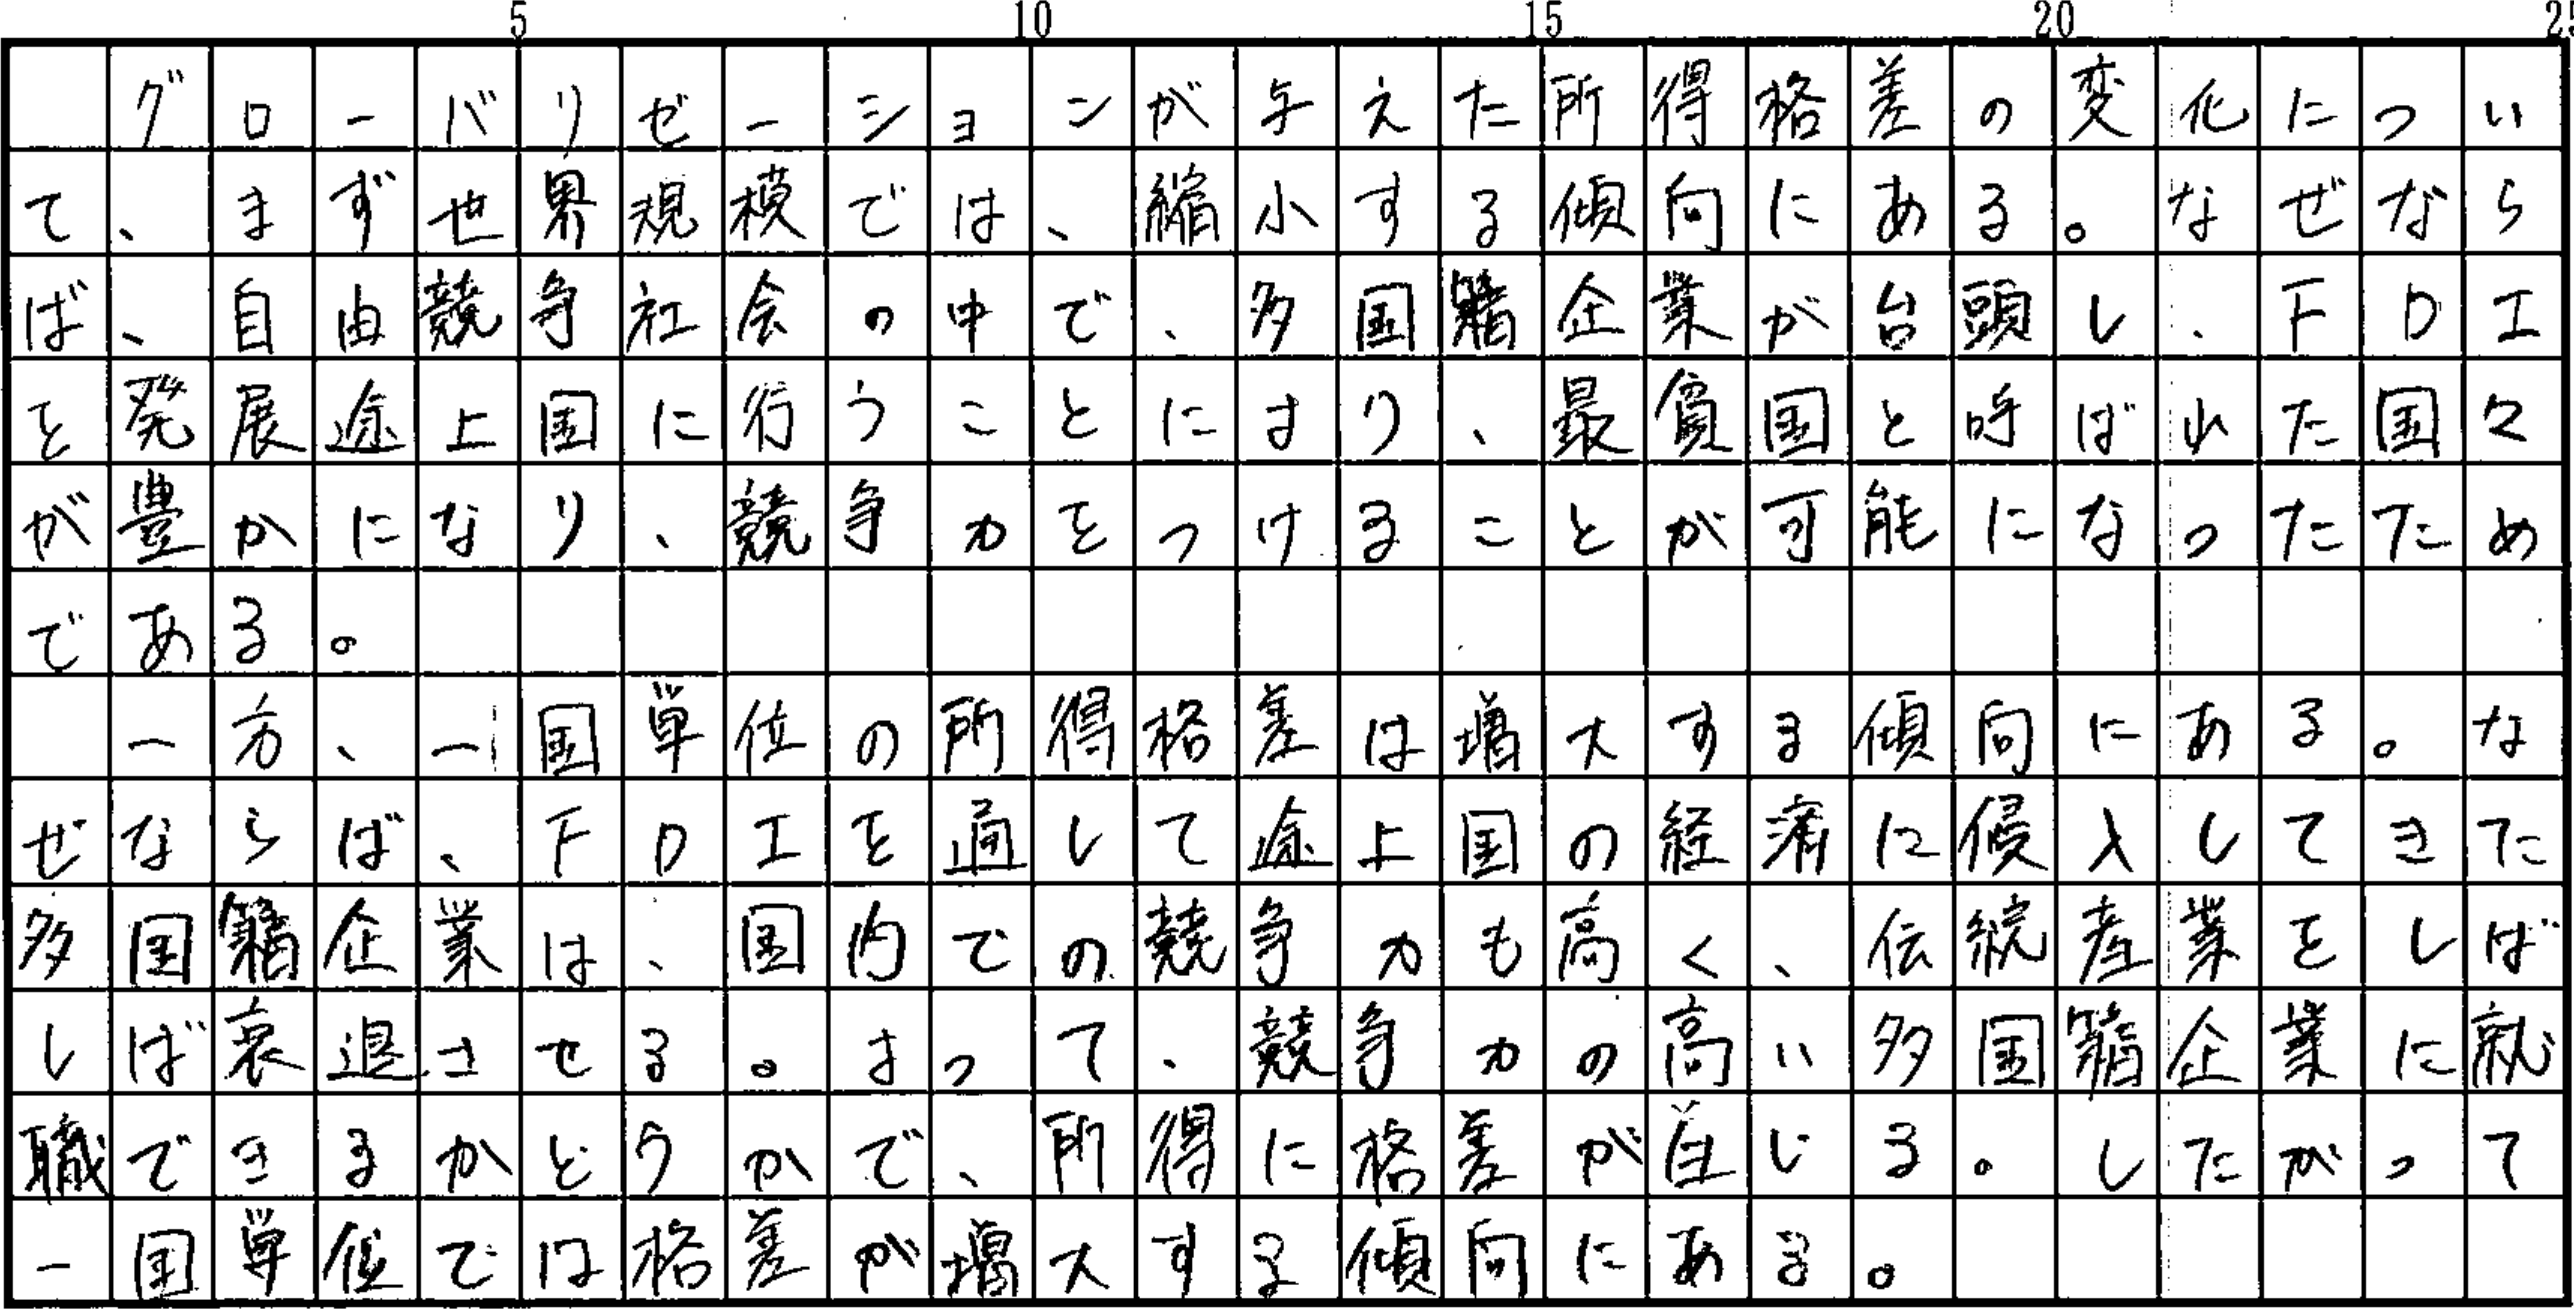　グローバリゼーションが与えた所得格差の変化について、まず世界規模では、縮小する傾向にある。なぜならば、自由競争社会の中で、多国籍企業が台頭し、ＦＤＩを発展途上国に行うことにより、最貧国と呼ばれた国々が豊かになり、競争力をつけることが可能になったためである。
　一方、一国単位の所得格差は増大する傾向にある。なぜならば、ＦＤＩを通して途上国の経済に侵入してきた多国籍企業は、国内での競争力も高く、伝統産業をしばしば衰退させる。よって、競争力の高い多国籍企業に就職できるかどうかで、所得に格差が生じる。したがって一国▁位では格差が増大する傾向にある。
